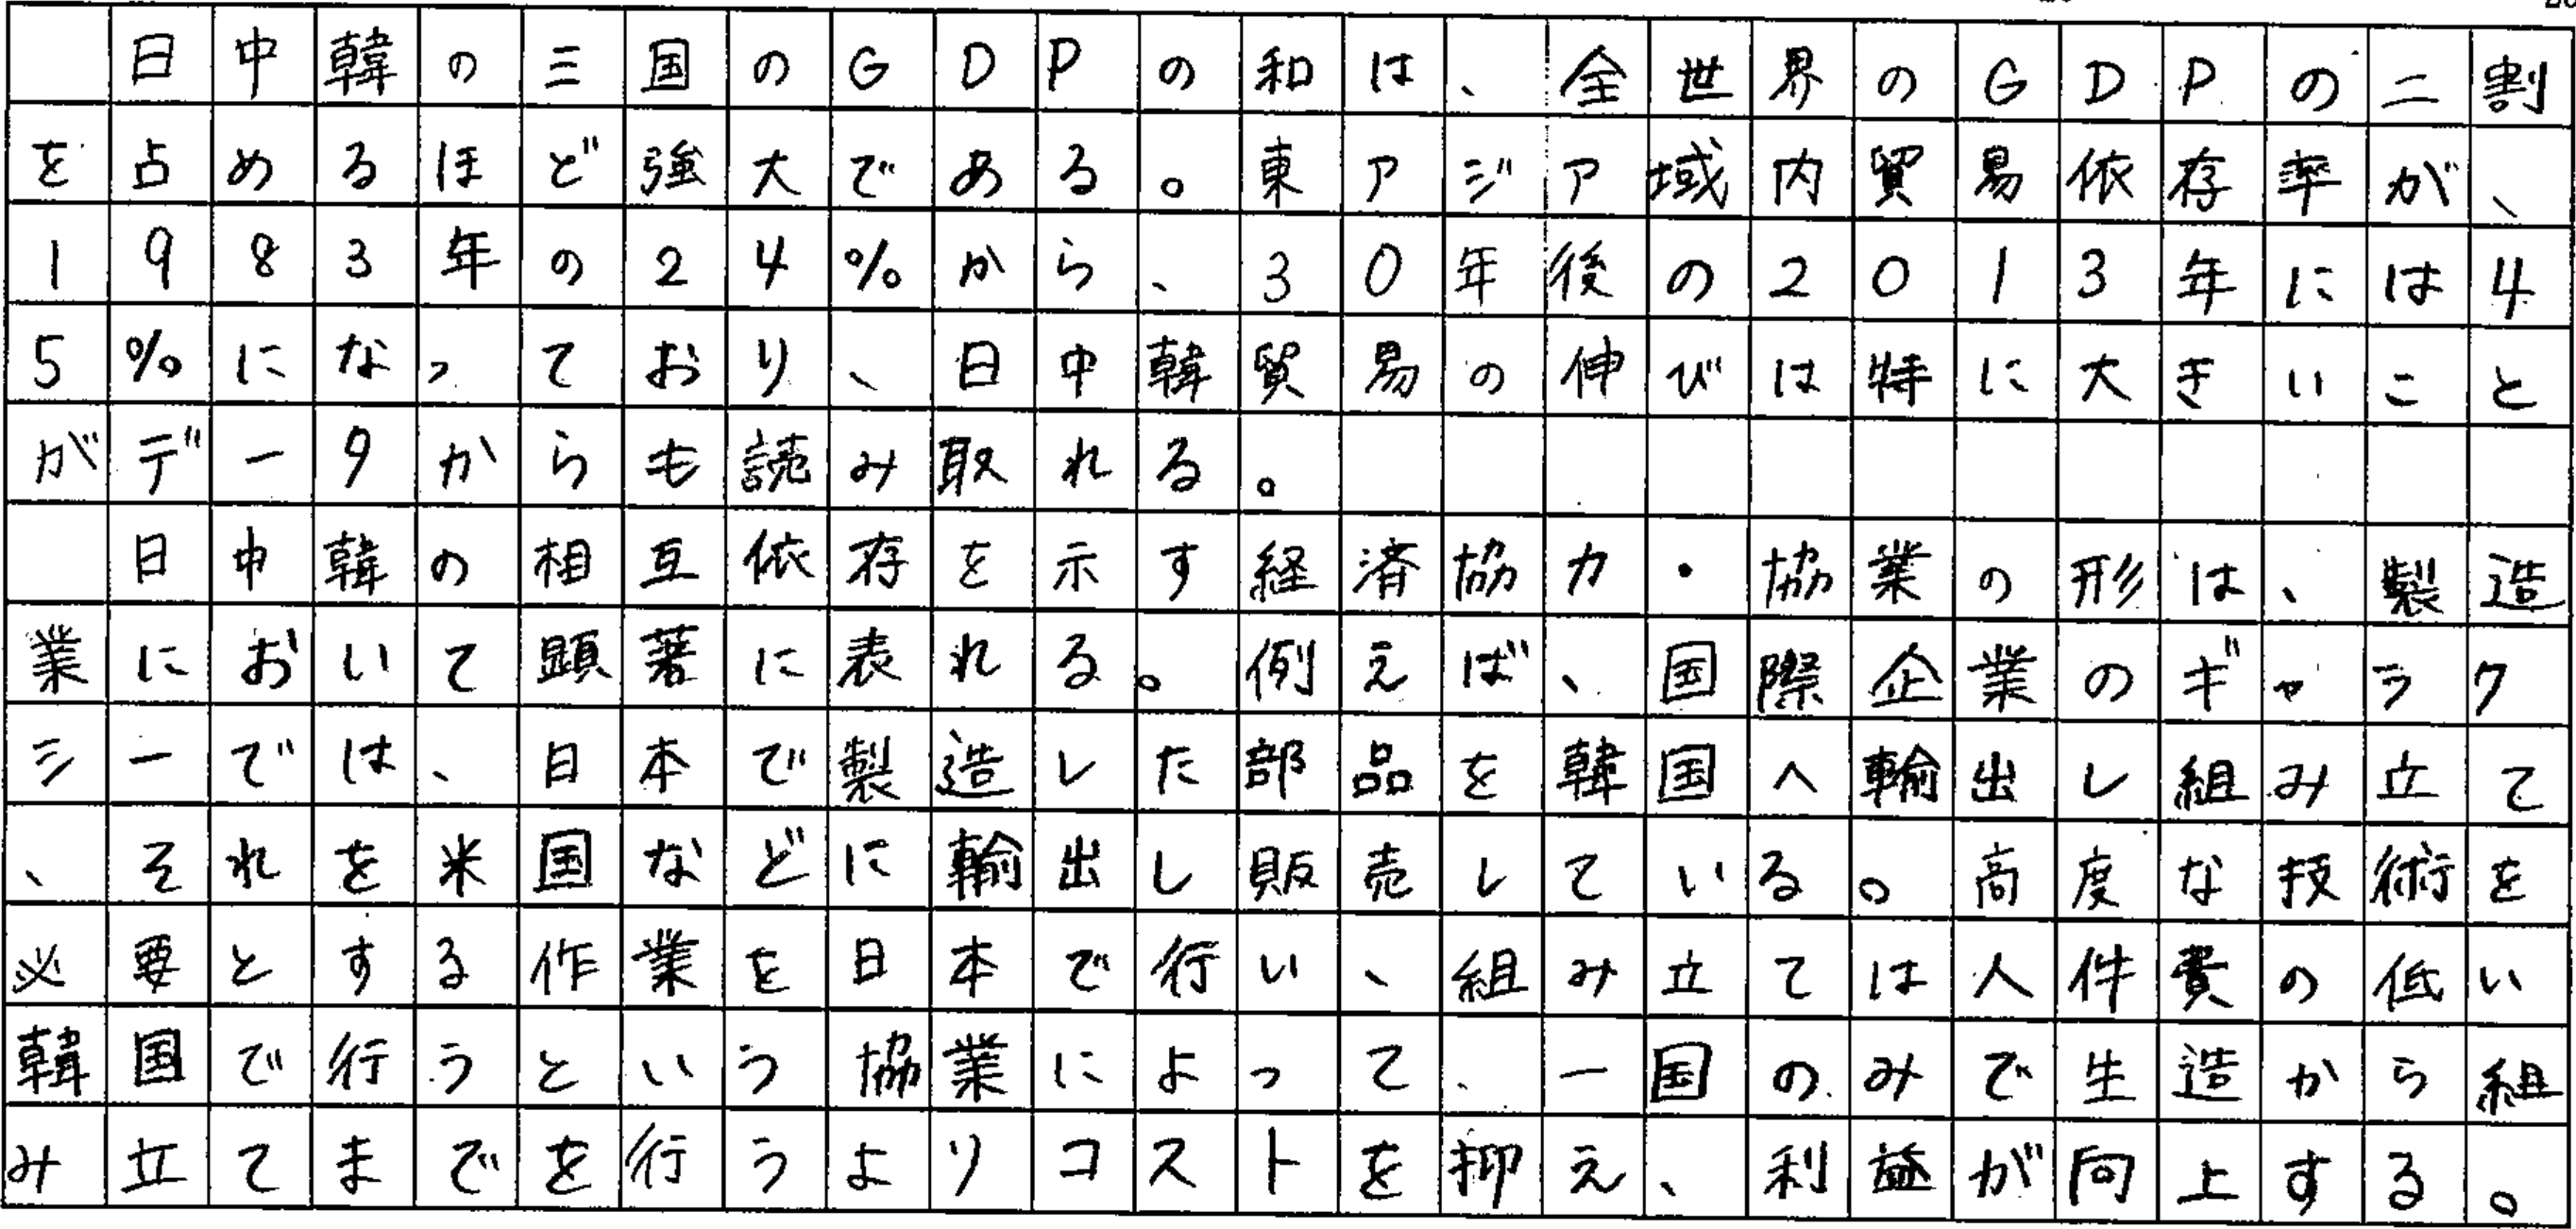　日中韓の三国のＧＤＰの和は、全世界のＧＤＰの二割を占めるほど強大である。東アジア域内貿易依存率が、１９８３年の２４％から、３０年後の２０１３年には４５％になっており、日中韓貿易の伸びは特に大きいことがデータからも読み取れる。
　日中韓の相互依存を示す経済協力・協業の形は、製造業において顕著に表れる。例えば、国際企業のギャラクシーでは、日本で製造した部品を韓国へ輸出し組み立て、それを米国などに輸出し販売している。高度な技術を必要とする作業を日本で行い、組み立ては人件費の低い韓国で行うという協業によって、一国のみで生造から組み立てまでを行うよりコストを抑え、利益が向上する。
